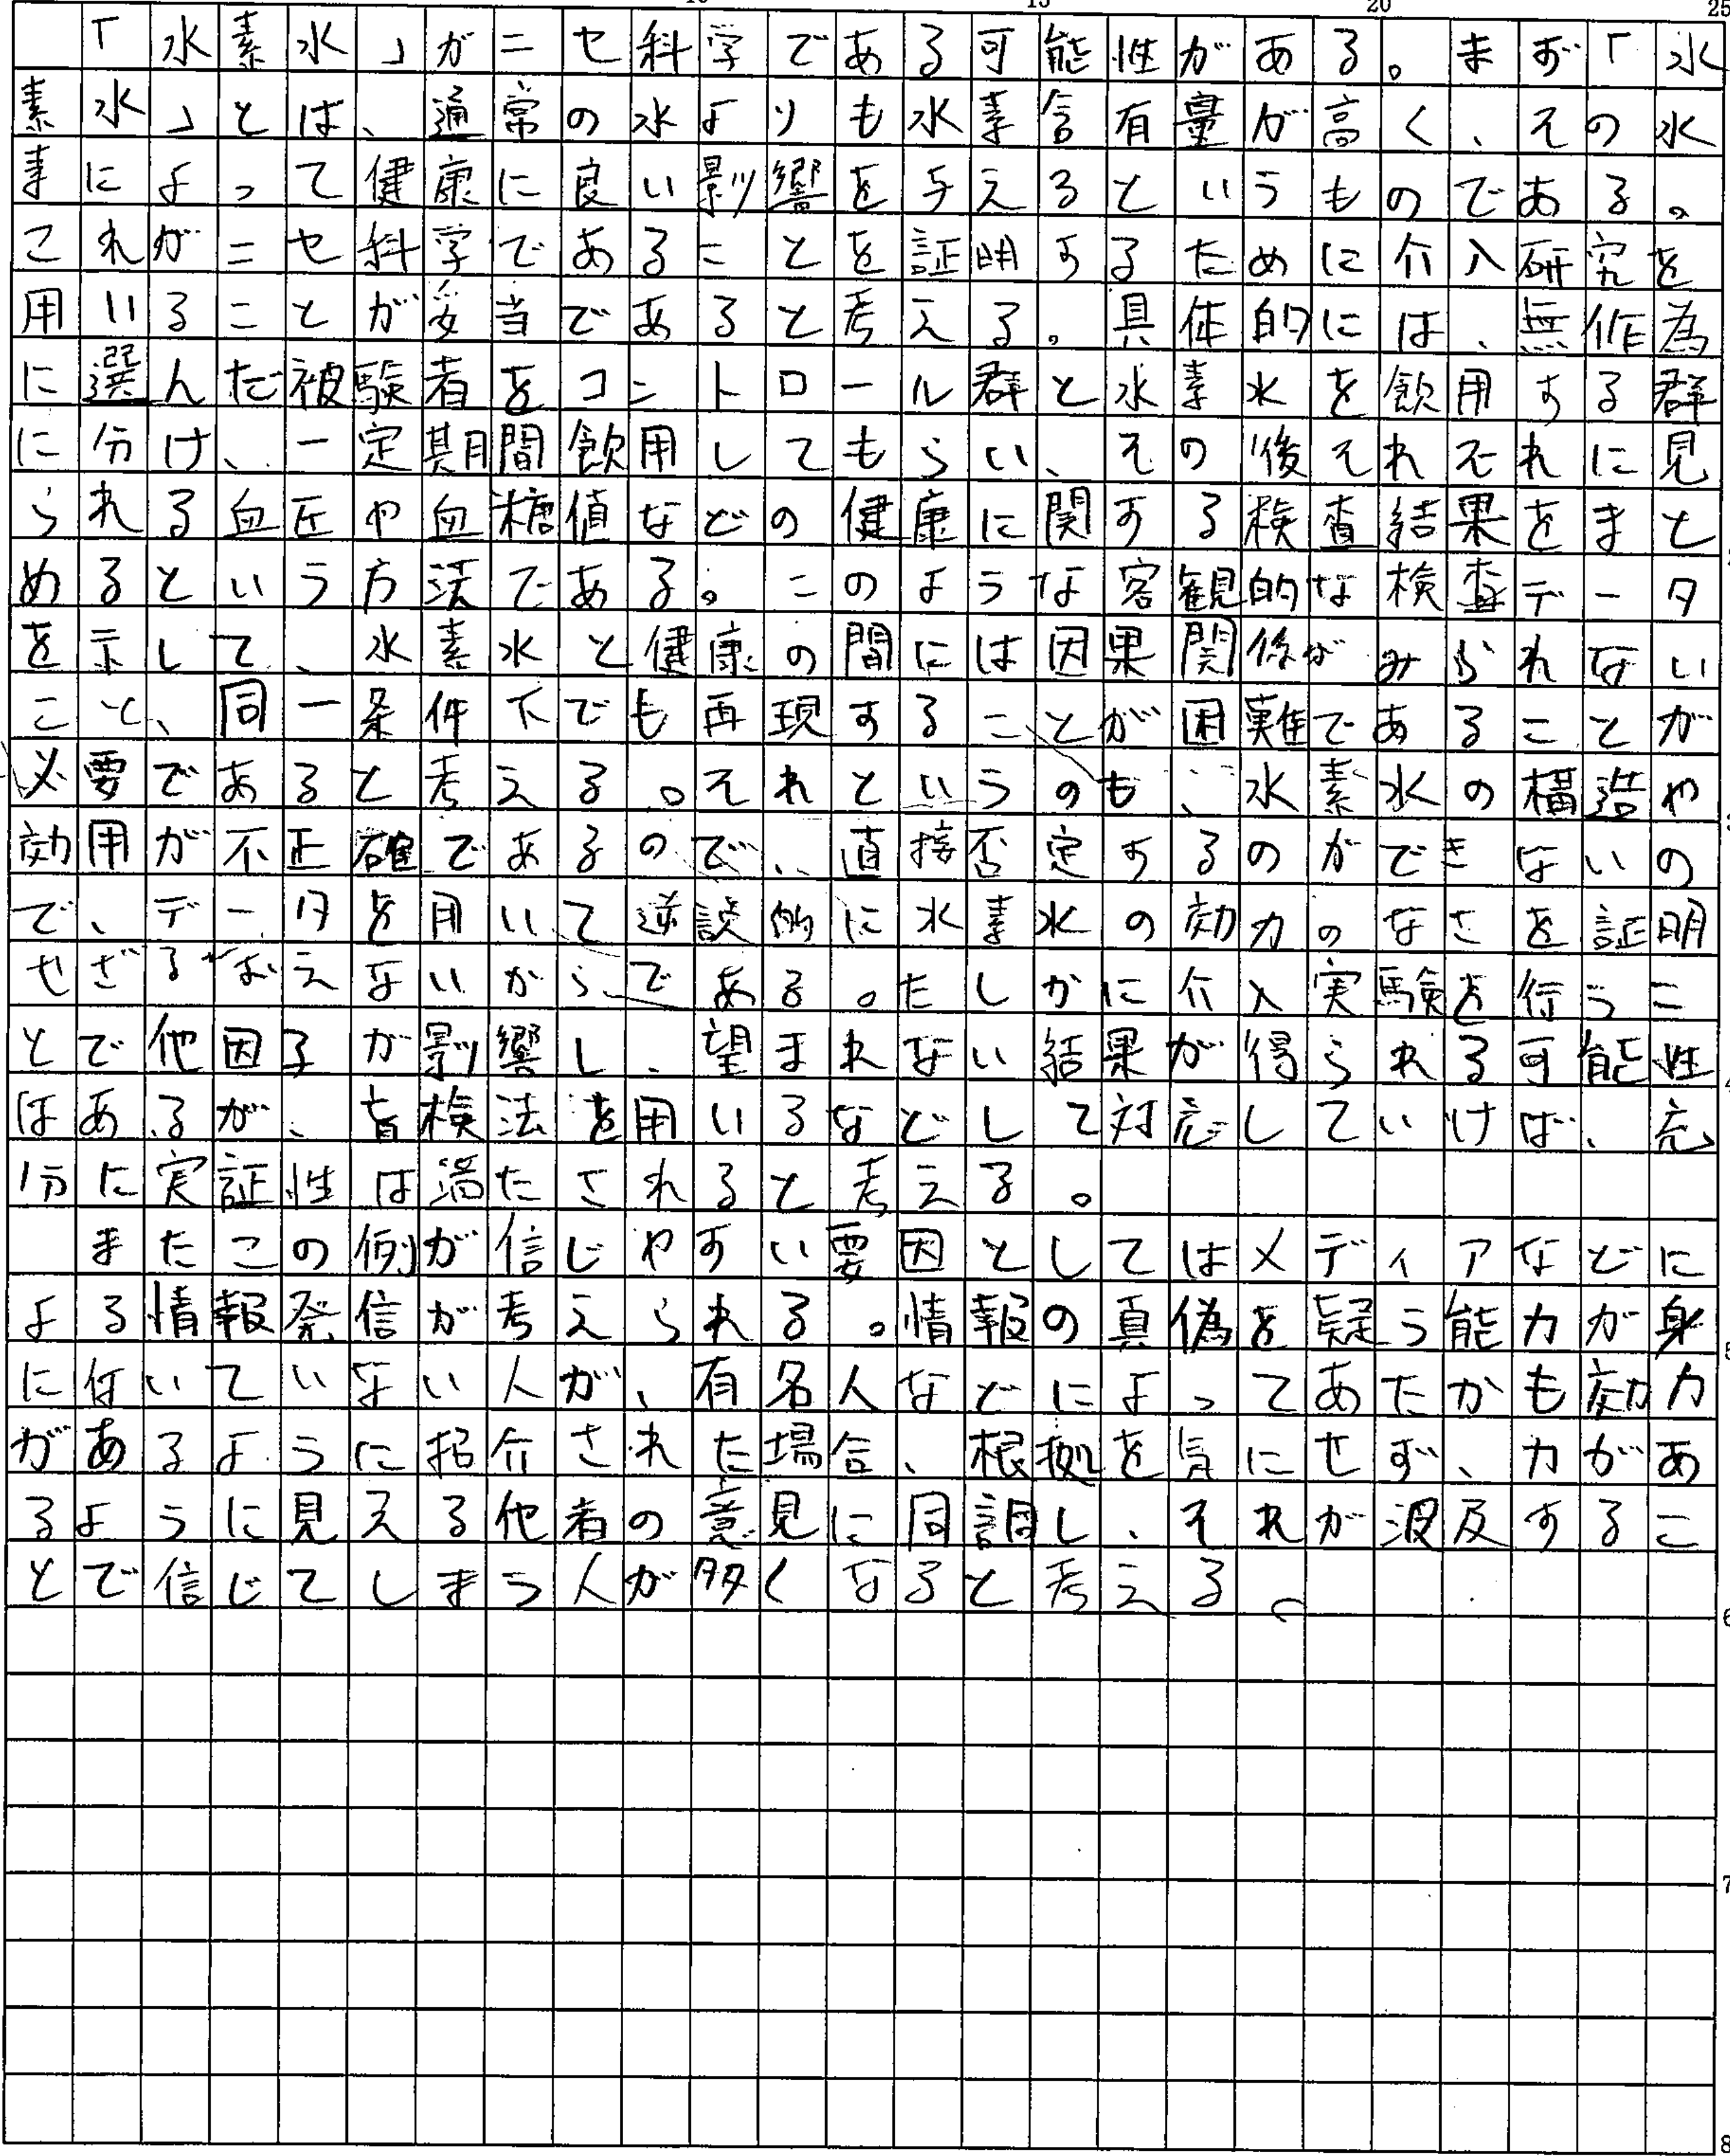　「水素水」がニセ科学である可能性がある。まず「水素水」とは、通常の水よりも水素含有量が高く、その水素によって健康に良い影響を与えるというものである。これがニセ科学であることを証明するために介入研究を用いることが妥当であると考える。具体的には、無作為に選んだ被験者をコントロール群と水素水を飲用する群に分け、一定期間飲用してもらい、その後それぞれに見られる血圧や血糖値などの健康に関する検査結果をまとめるという方法である。このような客観的な検査データを示して、水素水と健康の間には因果関係がみられないこと、同一条件下でも再現することが困難であることが必要であると考える。それというのも、水素水の構造や効用が不正確であるので、直接否定するのができないので、データを用いて逆説的に水素水の効力のなさを証明せざるおえないからである。たしかに介入実験を行うことで他因子が影響し、望まれない結果が得られる可能性はあるが、盲検法を用いるなどして対応していけば、充分に実証性は満たされると考える。
　またこの例が信じやすい要因としてはメディアなどによる情報発信が考えられる。情報の真偽を疑う能力が身に付いていない人が、有名人などによってあたかも効力があるように招介された場合、根拠を気にせず、力があるように見える他者の意見に同調し、それが波及することで信じてしまう人が多くなると考える。
